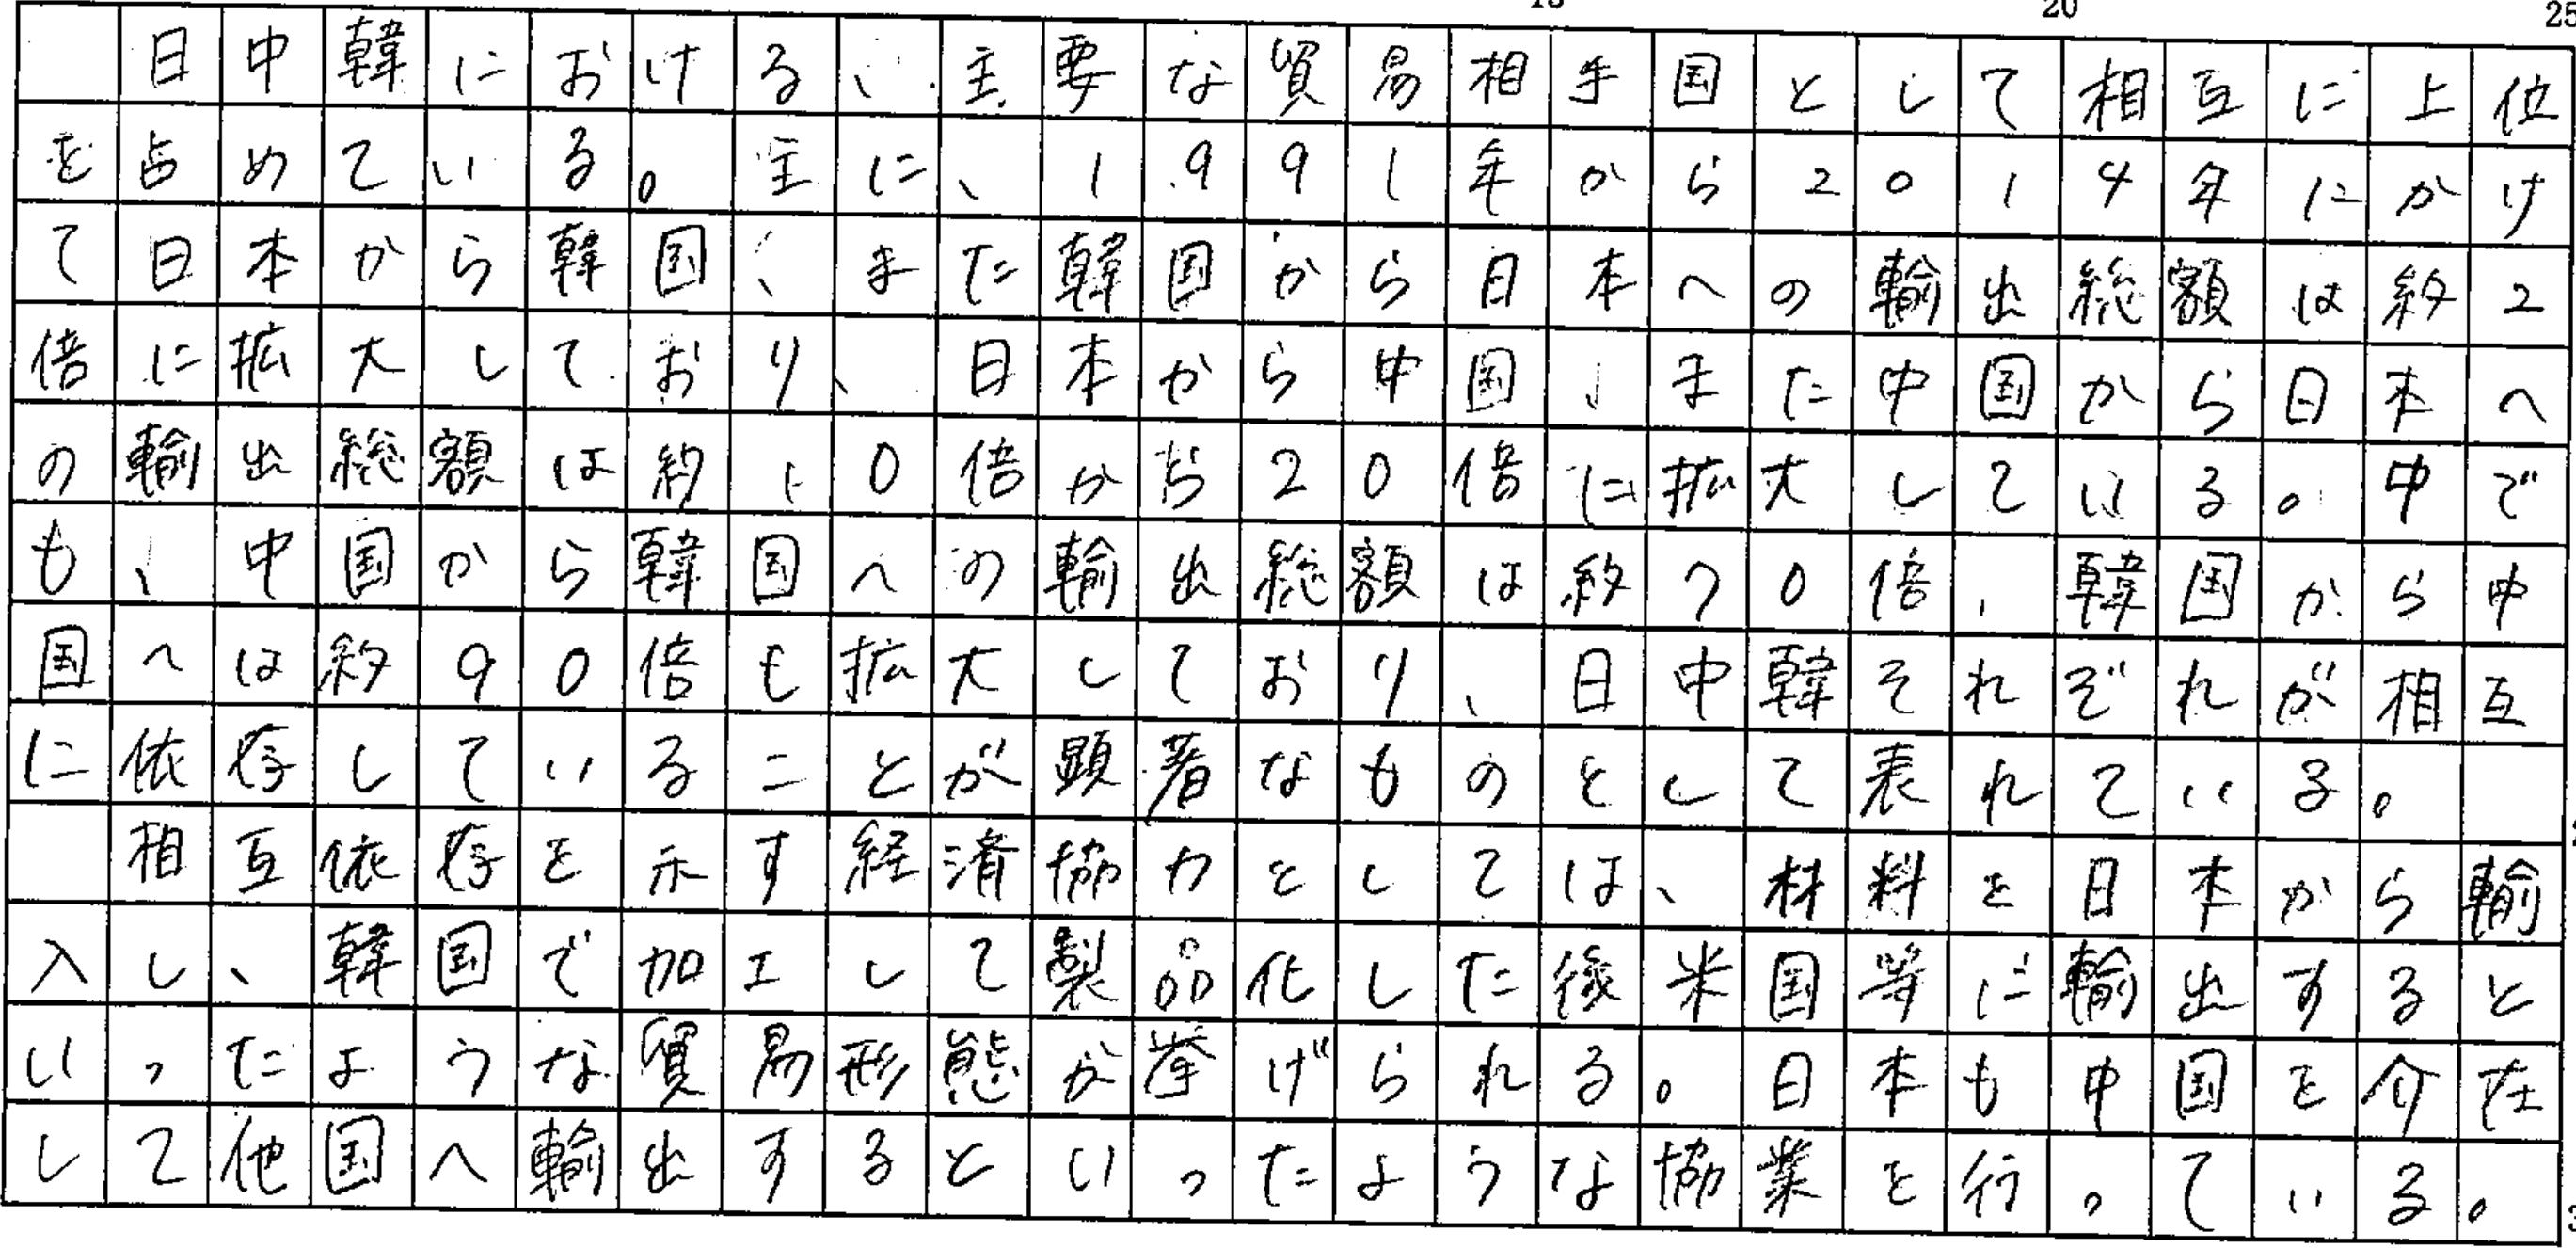　日中韓における、主要な貿易相手国として相互に上位を占めている。主に、１９９１年から２０１４年にかけて日本から韓国、また韓国から日本への輸出総額は約２倍に拡大しており、日本から中国、また中国から日本への輸出総額は約１０倍から２０倍に拡大している。中でも、中国から韓国への輸出総額は約７０倍、韓国から中国へは約９０倍も拡大しており、日中韓それぞれが相互に依存していることが顕著なものとして表れている。
　相互依存を示す経済協力としては、材料を日本から輸入し、韓国で加工して製品化した後米国等に輸出するといったような貿易形態が挙げられる。日本も中国を介在して他国へ輸出するといったような協業を行っている。
